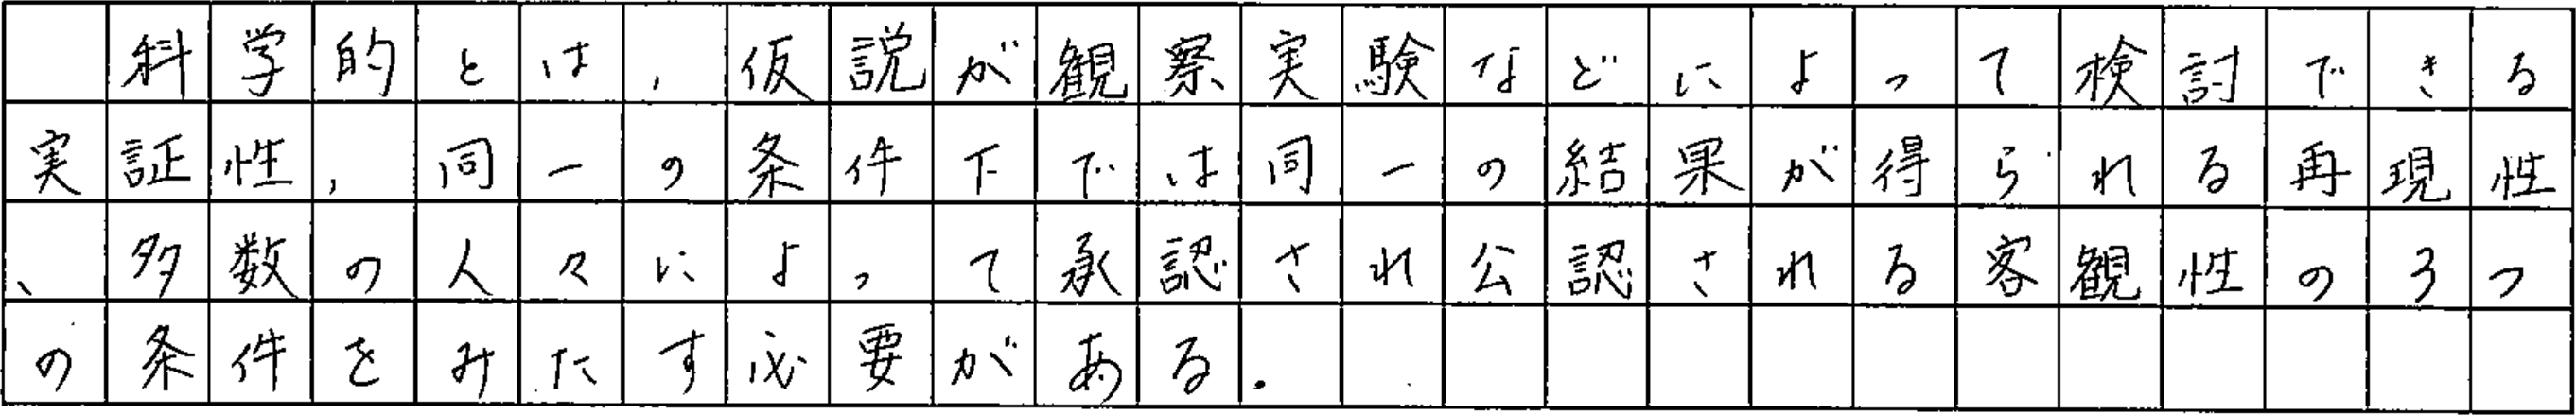　科学的とは、仮説が観察実験などによって検討できる実証性、同一の条件下では同一の結果が得られる再現性、多数の人々によって承認され公認される客観性の３つの条件をみたす必要がある。
